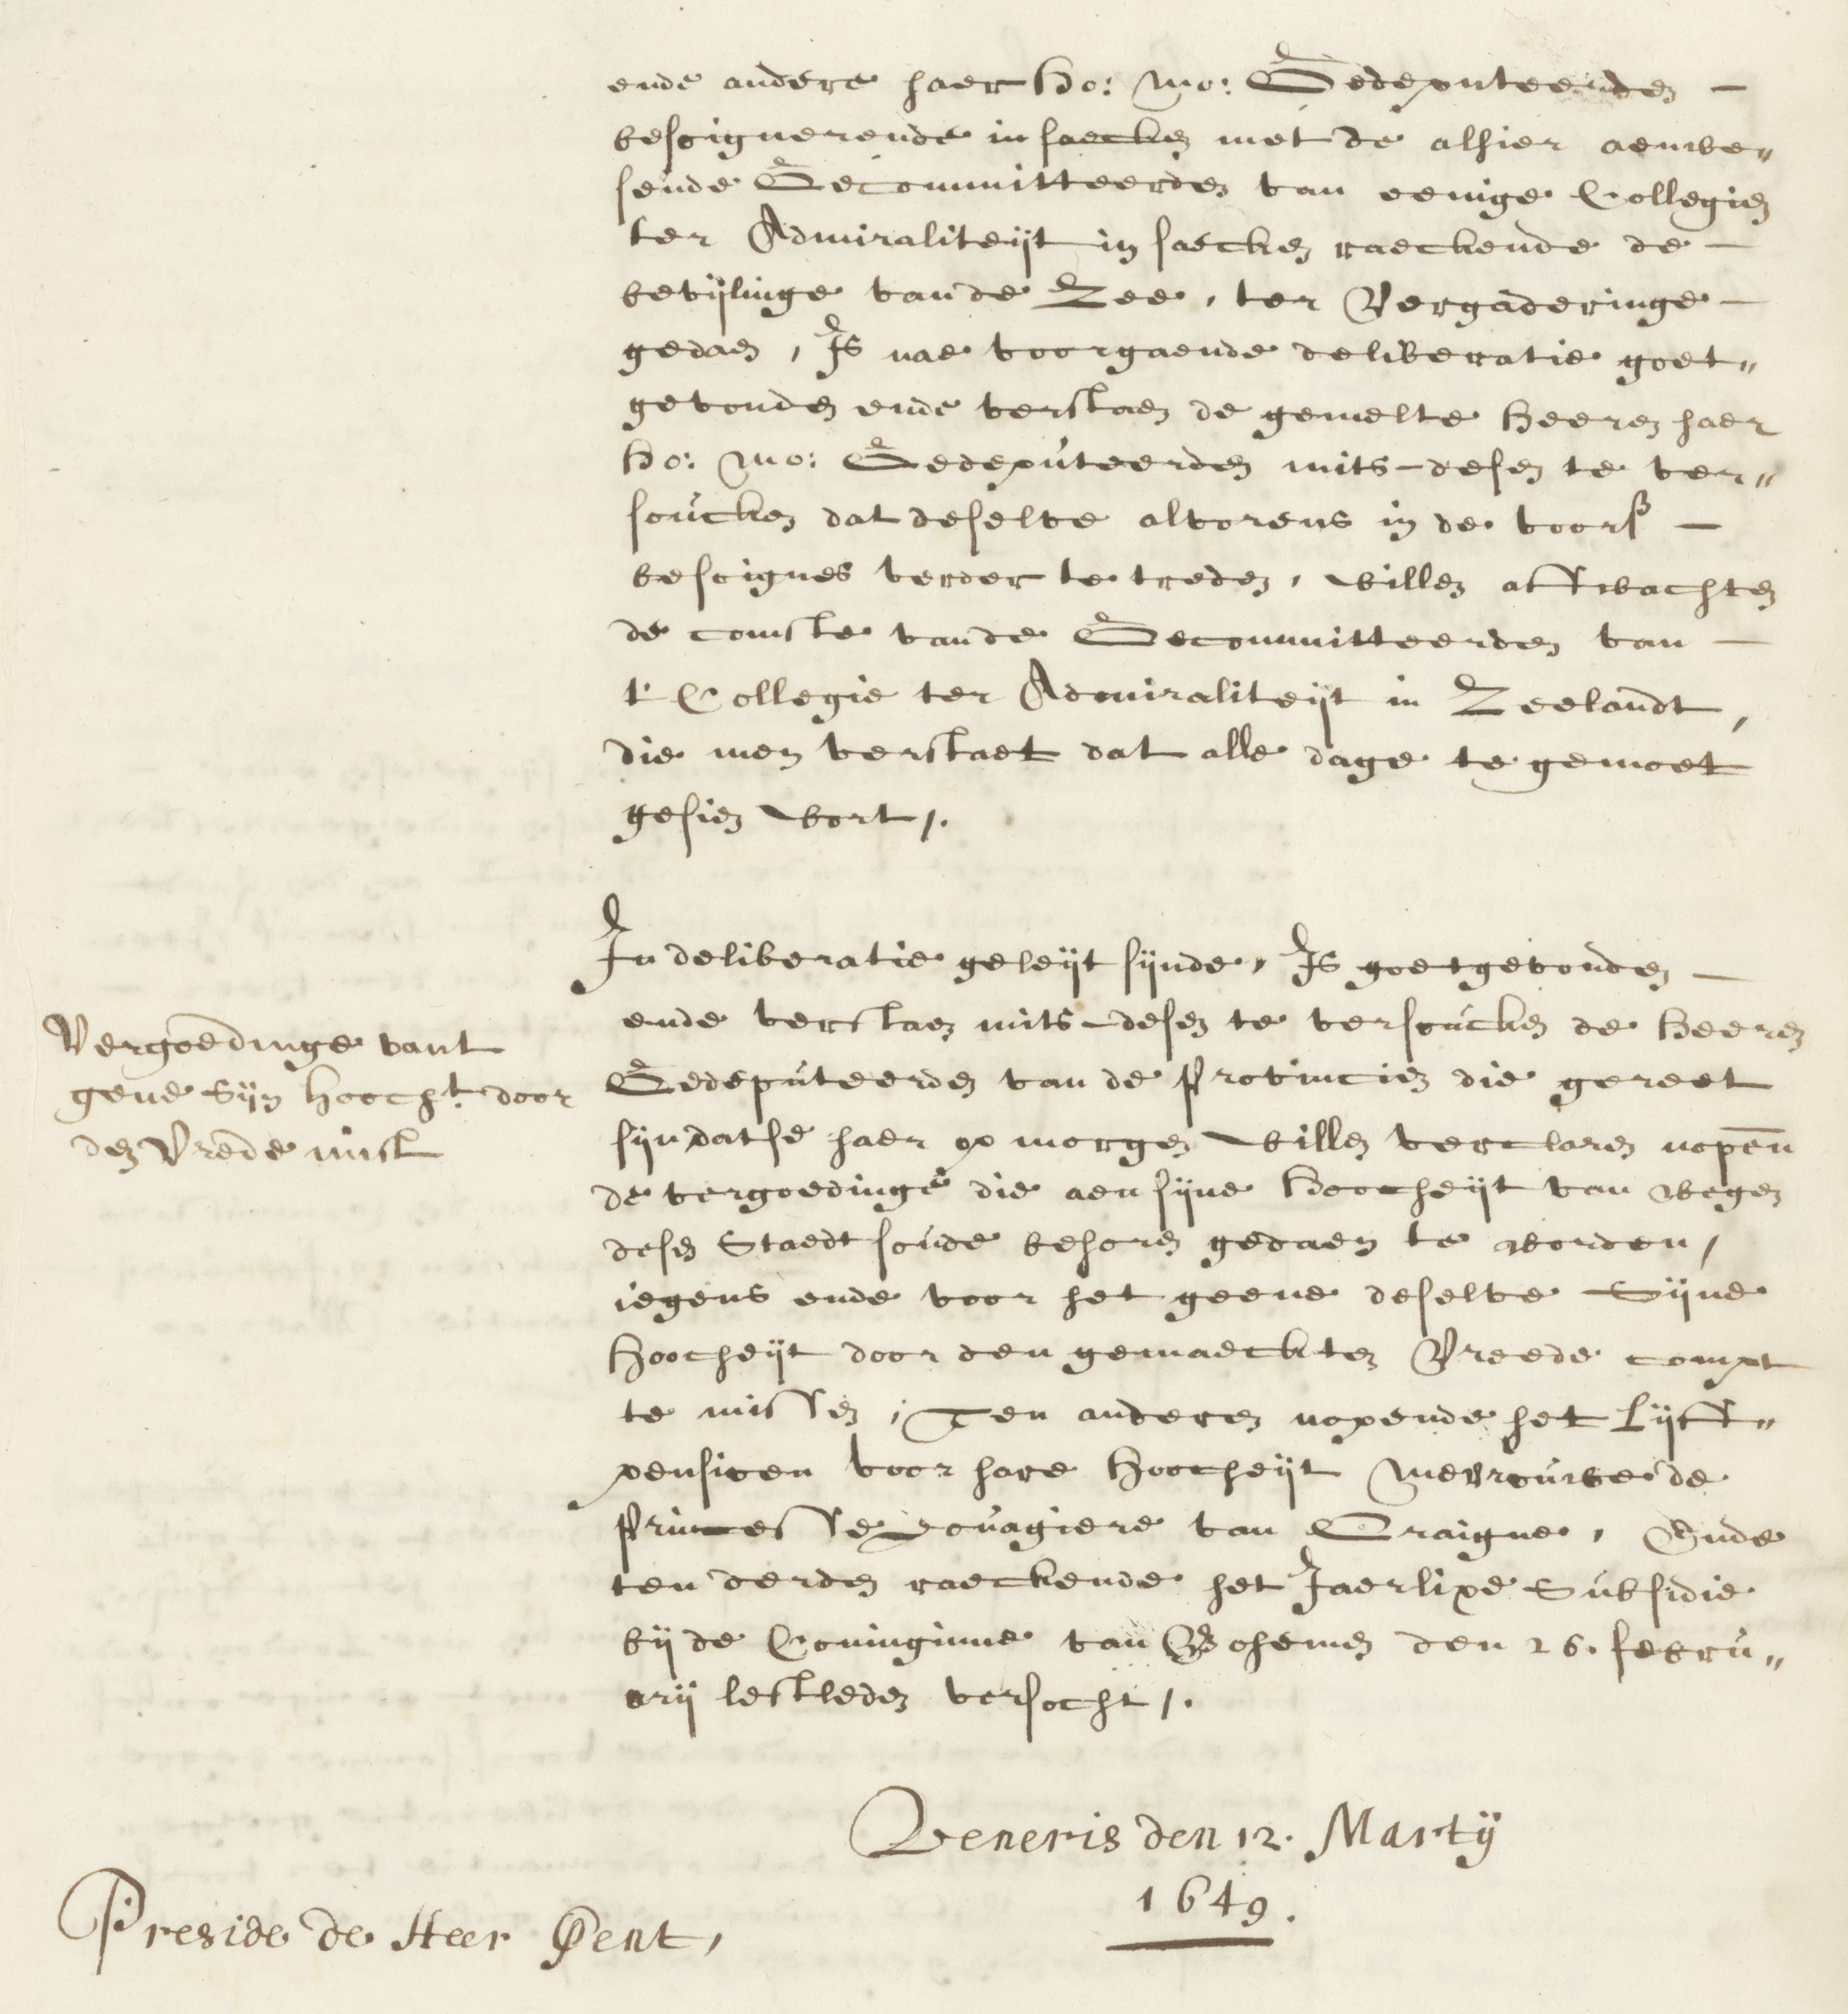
ende andere haer Ho:Mo: Gedeputeerden
besoignerende in saecken met de alhier aenwe„
sende Gecommitteerden van eenige Collegien
ter Admiraliteijt in saecken raeckende de
bevijlinge van de Zee, ter Vergaderinge
gedaen, Is nae voorgaende deliberatie goet„
gevonden ende verstaen de gemelte Heeren haer
Ho:Mo: Gedeputeerden mits-desen te ver„
soucken dat deselve alvorens in de voors
besoignes verder te treden, willen affwachten
de comste van de Gecommitteerden van
t' Collegie ter Admiraliteijt in Zeelandt,
die men verstaet dat alle dage te gemoet
gesien wort.
Vergoedinge vant
gene sijn hoocht door
den Vrede mist
In deliberatie geleijt sijnde, Is goetgevonden
ende verstaen mits-desen te versoucken de Heeren
Gedeputeerden van de Provincien die gereet
sijn datse haer op morgen willen verclaren nopen
de vergoedinge die aen sijne Hoocheijt van wegen
desen Staedt soude behoren gedaen te worden,
iegens ende voor het geene deselve Sijne
Hoocheijt door den gemaeckten Vreede compt
te missen; Ten anderen nopende het Lijff„
pensioen voor hare Hoocheijt mevrouwe de
Princesse douagiere van Oraigne. Ende
ten derden raeckende het Jaerlixe Subsidie
bij de Coninginne van Bohemen den 26. febru„
arij lestleden, versocht.
Preside de Heer Gent,
Veneris den 12. Martij
1649.
